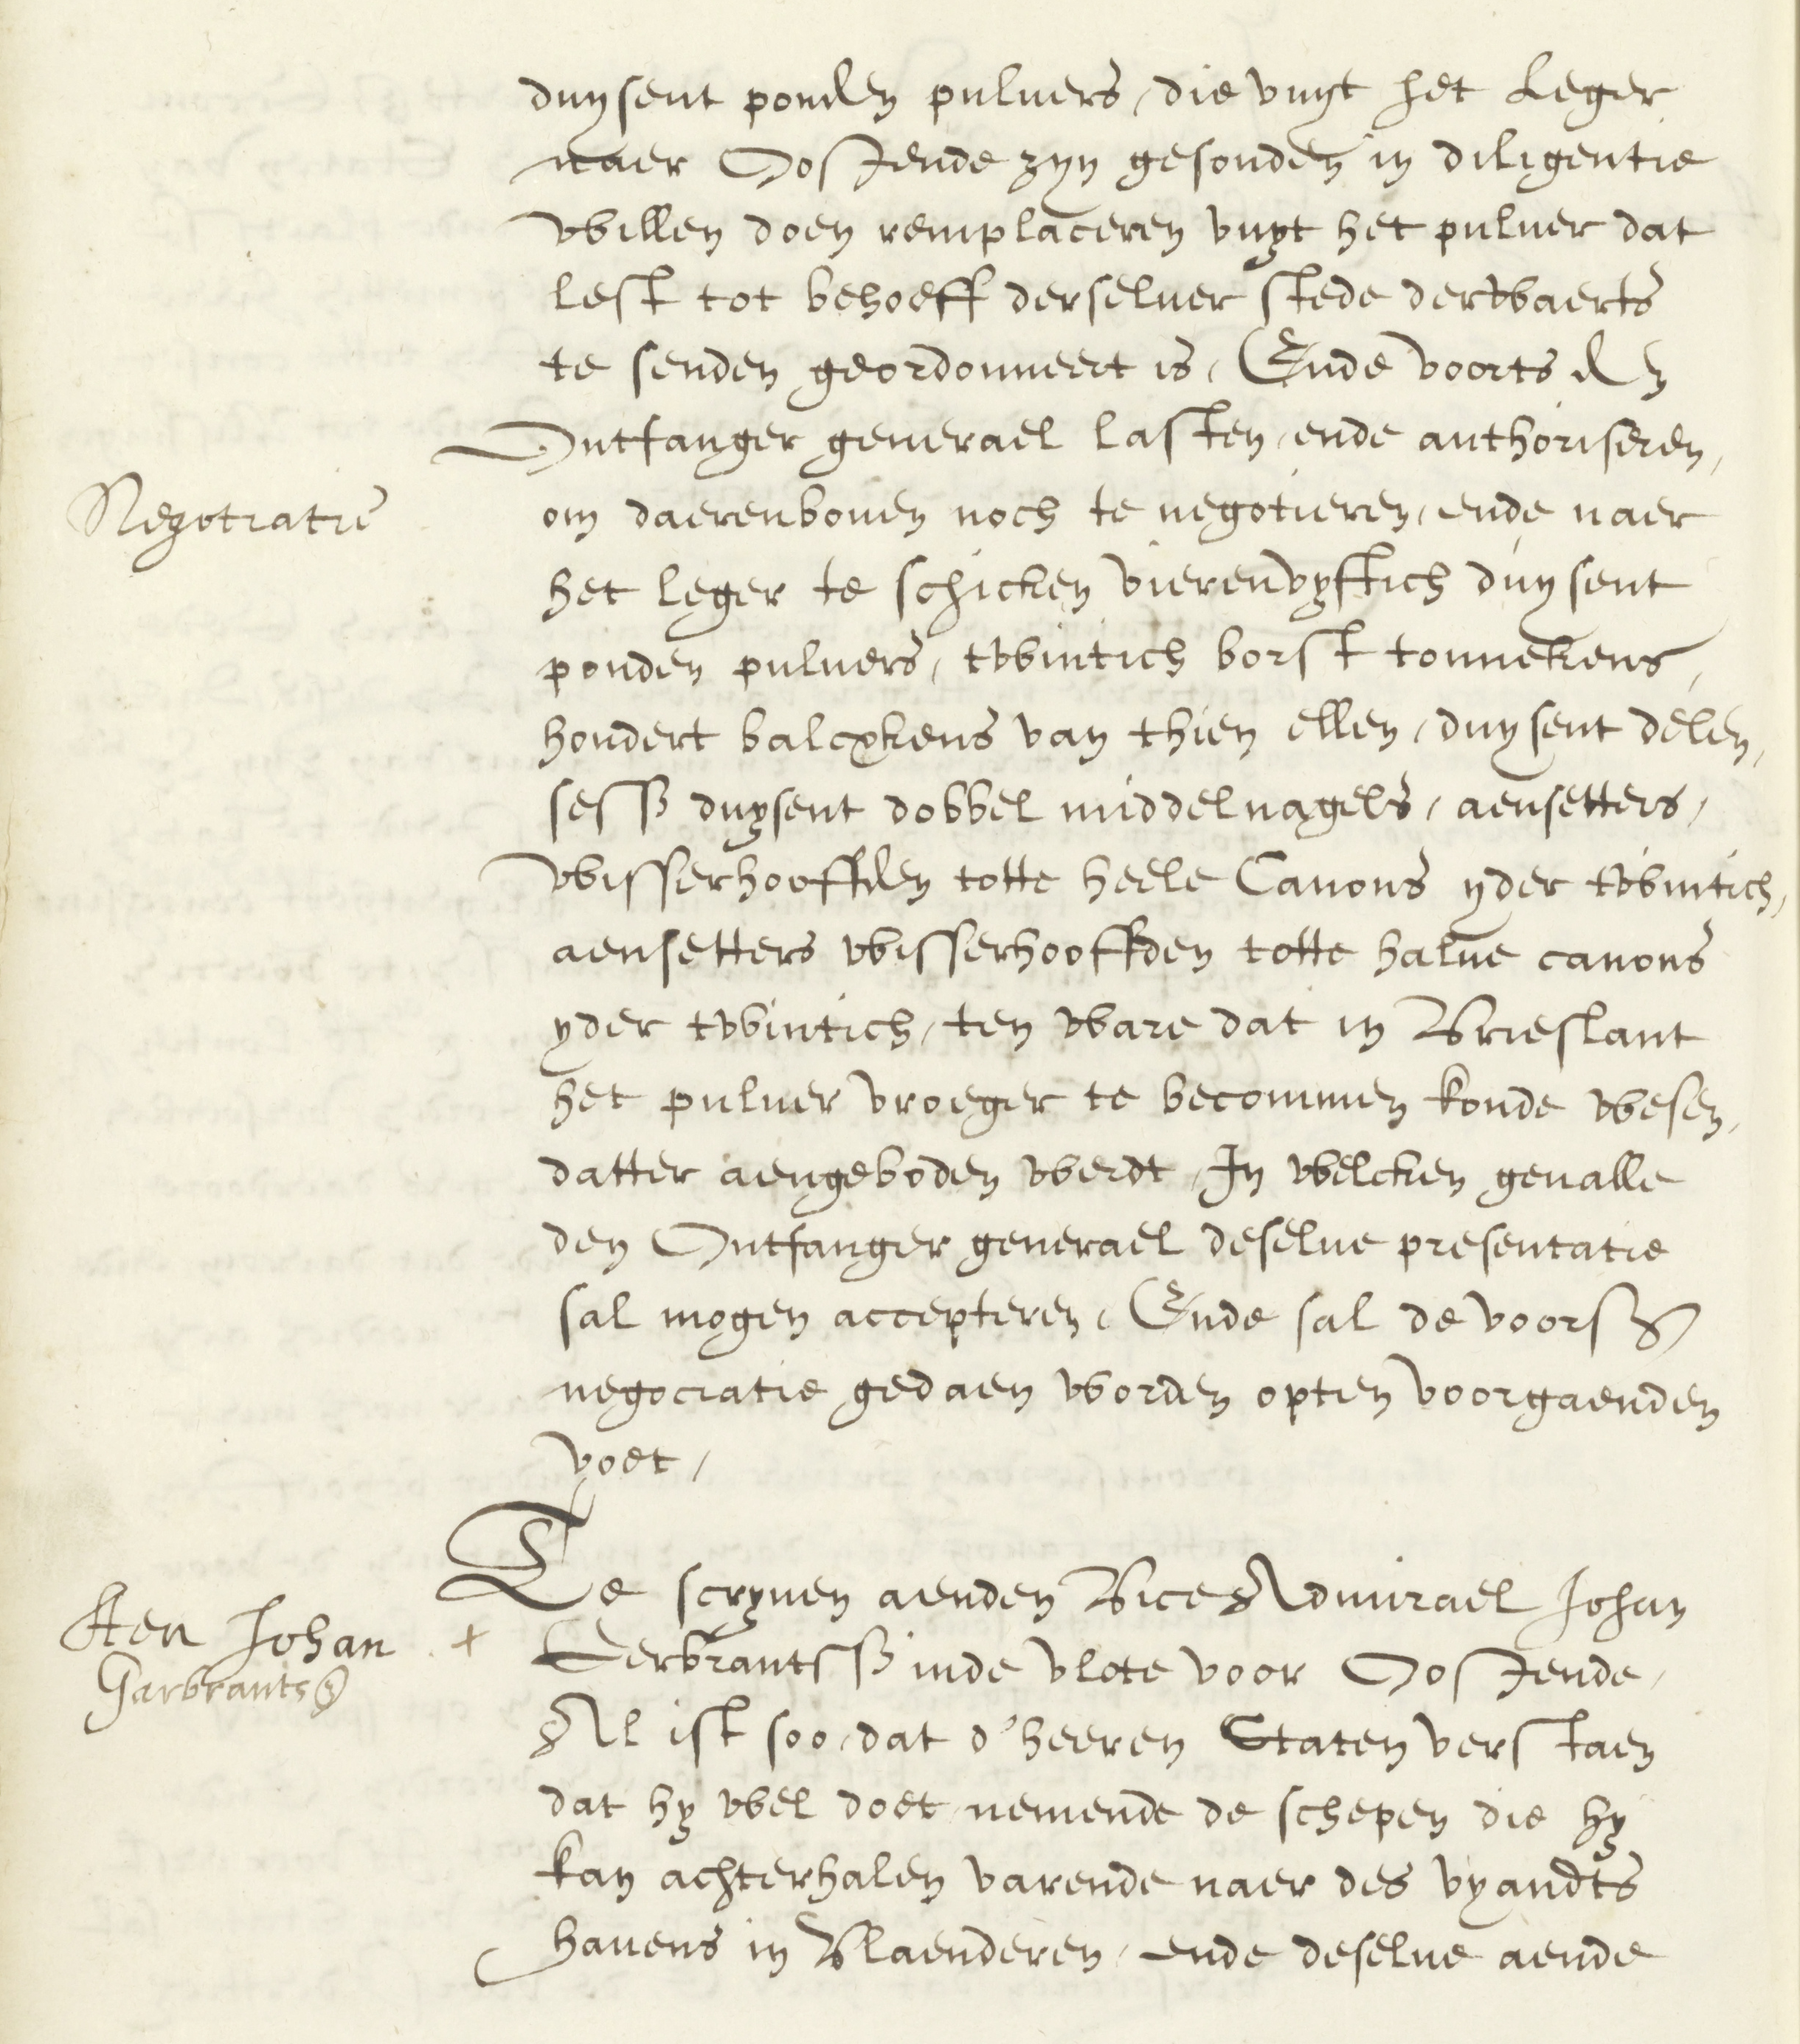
Negotiatie
duysent ponden puluers, die vuyt het leger
naer Oostende zyn gesonden in diligentie
willlen doen remplaceren vuyt het puluer dat
lest tot behoeff derseluer stede derwaerts
te senden geordonneert is. Ende voorts den
Ontfanger generael lasten, ende authoriseren
om daerenbouen noch te negotieren, ende naer
het leger te schicken vierenvyftich duysent
ponden puluers, twintich borst tonnekens,
hondert balcxkens van thien ellen, duysent delen,
sess duysent dobbel middelnagels, aensetters,
wisserhooffden totte heele Canons yder twintich,
aensetters wisserhooffden totte halue canons
yder twintich, ten ware dat in Vrieslant
het puluer vroeger te becommen konde wesen,
datter aengeboden werdt. In welcken gevalle
den Ontfanger generael deselve presentatie
sal mogen accepteren. Ende sal de voors
negociatie gedaen worden opten voorgaenden
voet.
Aen Johan
Garbrantsz
Te scryuen aenden Vice Admirael Johan
Gerbrantssz inde vlote voor Oostende
Al ist soo, dat d‛heeren Staten verstaen
dat hy wel doet nemende de schepen die hy
kan achterhalen varende naer des vyandts
hauens in Vlaenderen, ende deselue aende
